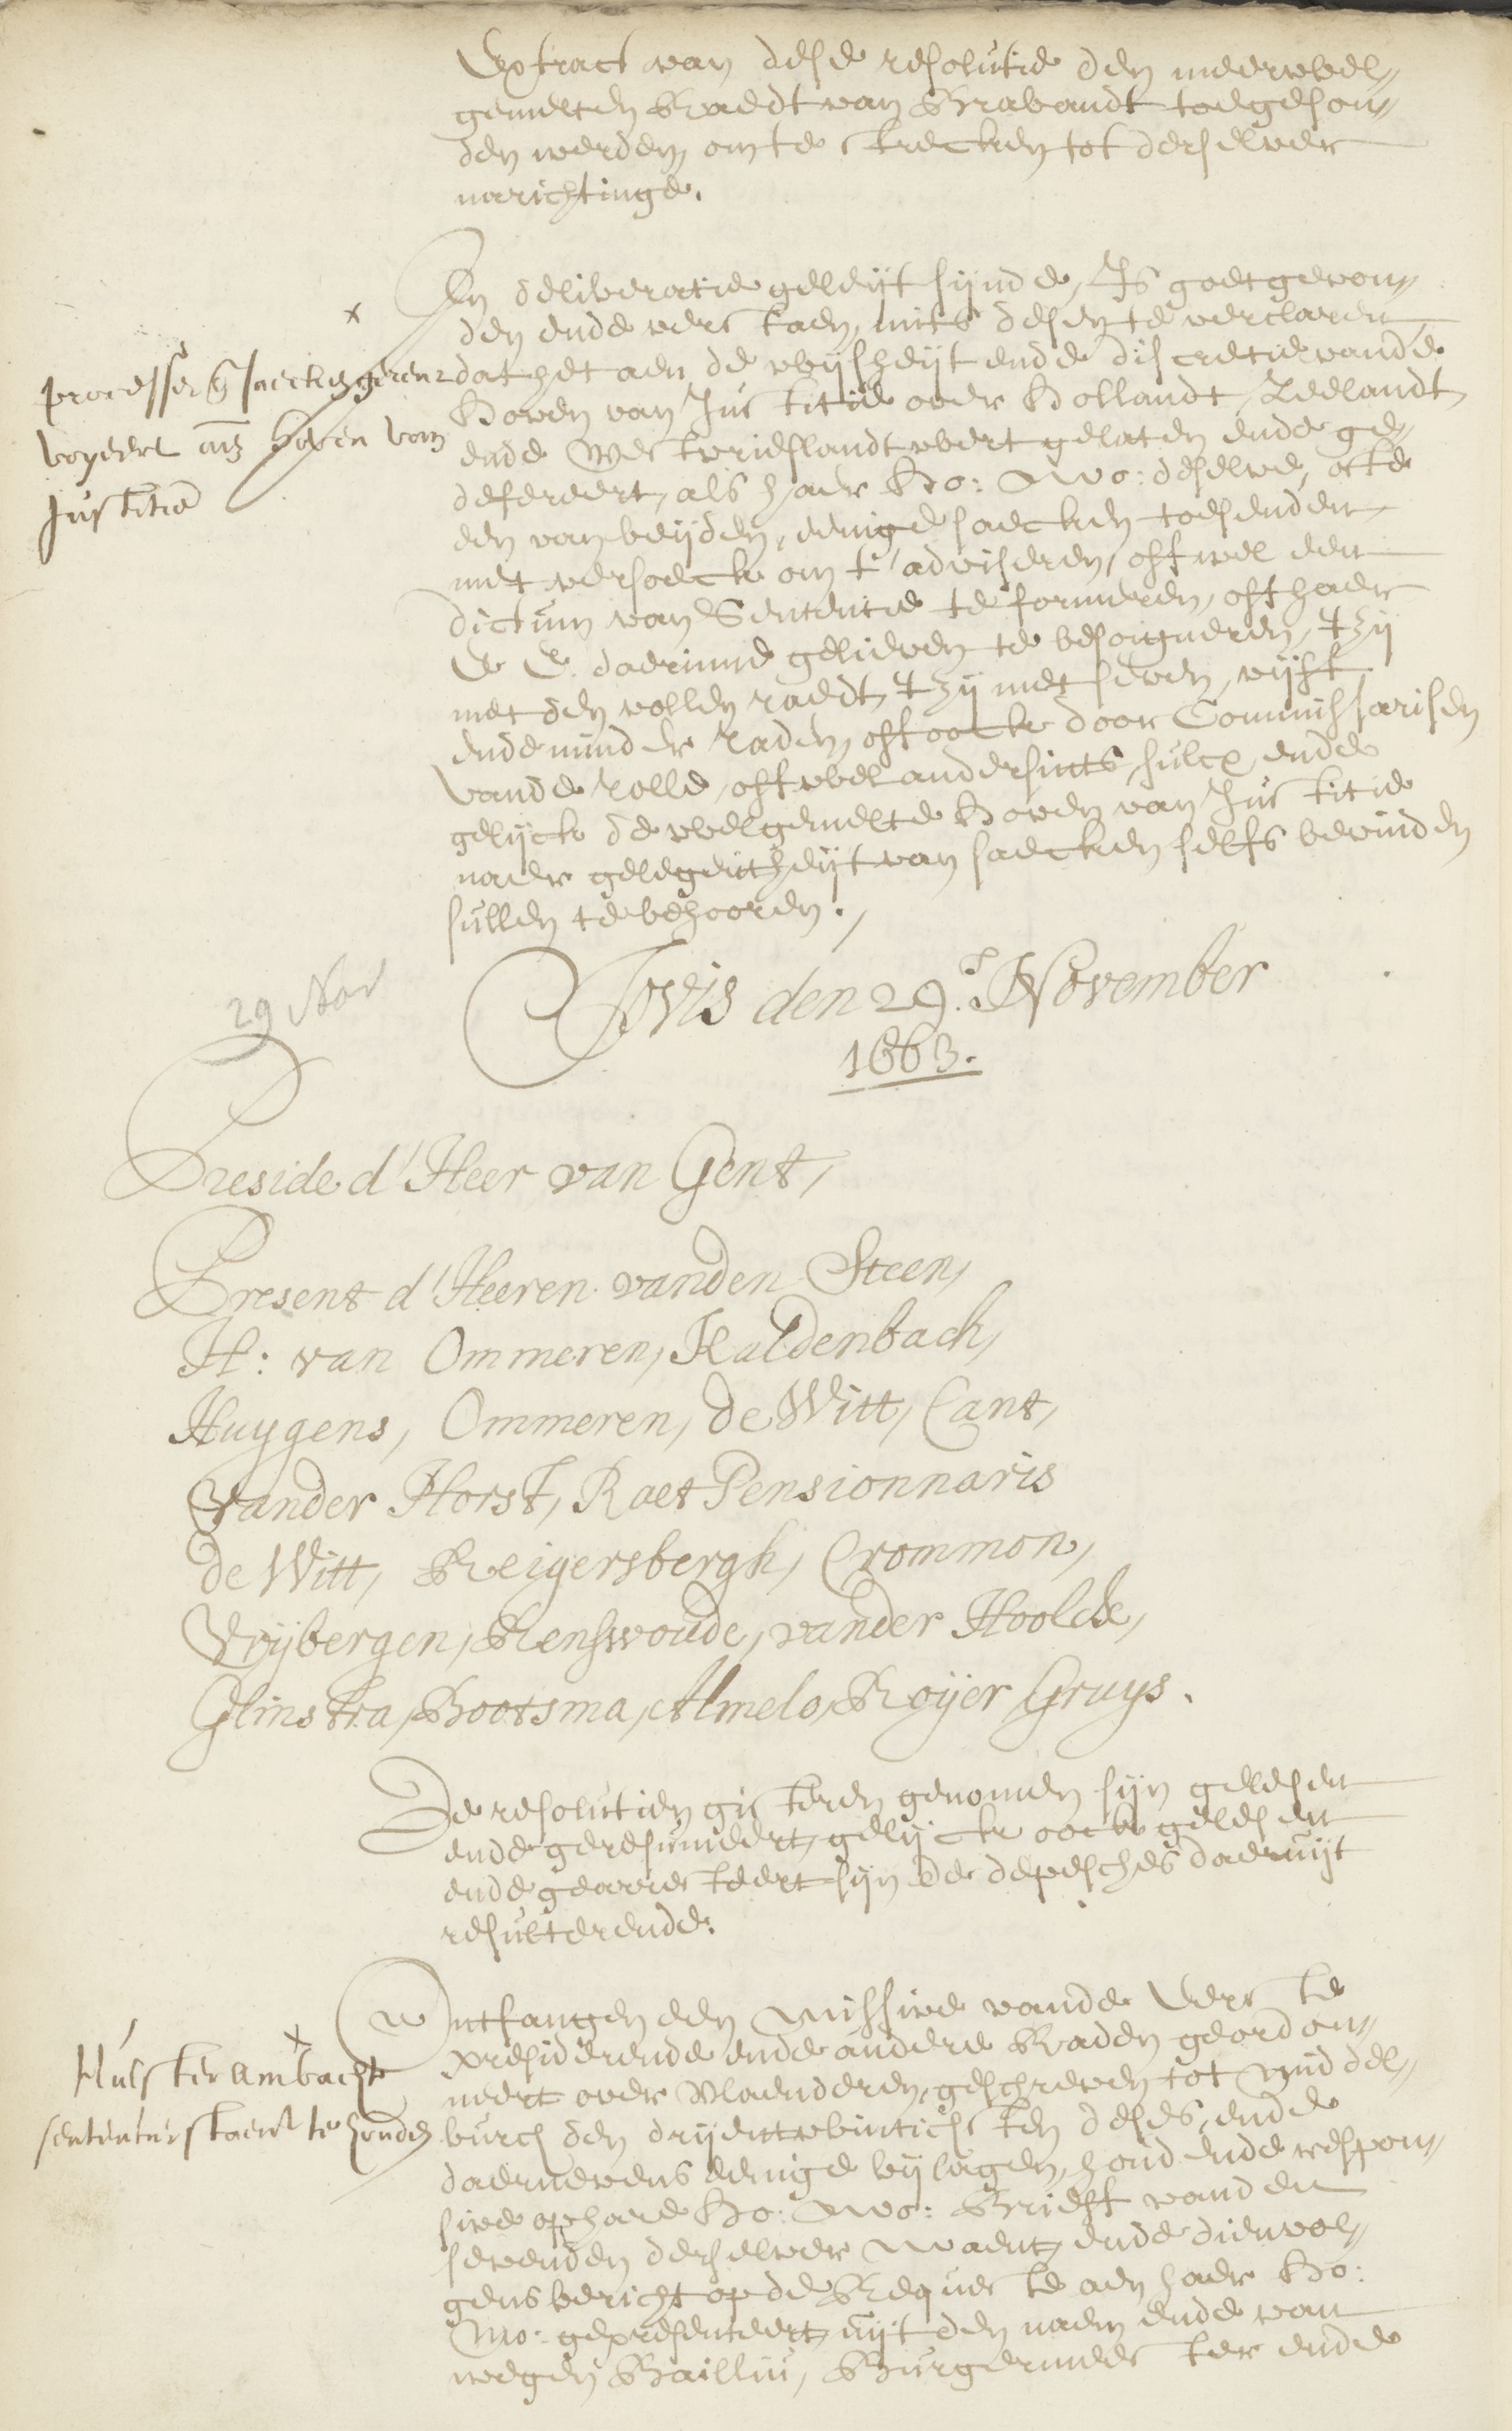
Extract van dese resolutie den meerwel„
gemelten Raedt van Brabandt toegeson„
den werden, om te strecken tot derselver
narichtinge.
processen & saecken geren=
voyeert aen hoven van
Justitie
In deliberatie geleijt sijnde, is goetgevon„
den ende verstaen, mits desen te verclaren
dat het aen de wijsheijt ende discretie vande
Hoven van Justitie over Hollandt Zeelandt,
ende Westvrieslandt wert gelaten ende ge,,
defereert, als haer Ho:Mo: deselve ofte
een van beijden, eenige saecken toesenden
met versoeck om t‛adviseren, oftwel een
dictum van Sententie te formeren, oft haer
E. E. daerinne gelieven te besoigneren, 't zij
met den vollen raedt, 't zij met seven, vijff
ende minder raden, oft oock door Commissarisen
vande rolle, oftwel andersints, sulcx, ende
gelijck de welgemelte Hoven van Justitie
naer gelegentheijt van saecken selfs bevinden
sullen te behooren.
29 Nov.
Jovis den 29en November.
1663.
Preside d'Heer van Gent,
Present d'Heeren vanden Steen,
H: van Ommeren, Kaldenbach,
Huygens, Ommeren, de Witt, Cant,
vander Horst, Raet Pensionnaris
de Witt, Reigersbergh, Crommon,
Vrijbergen, Renswoude, vander Hoolck,
Glinstra, Bootsma, Almelo, Roijer Gruijs.
De resolutien gisteren genomen sijn gelesen
ende geresumeert, gelijck oock gelesen
ende gearresteert sijn de depesches daeruijt
resulterende.
Hulsterambacht
sententie staent te houden
Ontfangen een missive vande eerste
presiderende ende andere raden geordon„,
neert over Vlaenderen, geschreven tot middel,
burch den drijentwintichsten deses, ende
daernevens eenige bijlagen, houdende respon„
sive op haere Ho:Mo: brieff vanden
sevenden derselver maent, ende dienvol„
gens bericht opde Requeste aen haer Ho:
Mo: gepresenteert, uijt den naem ende van
wegen Bailliu, Burgermeester ende
